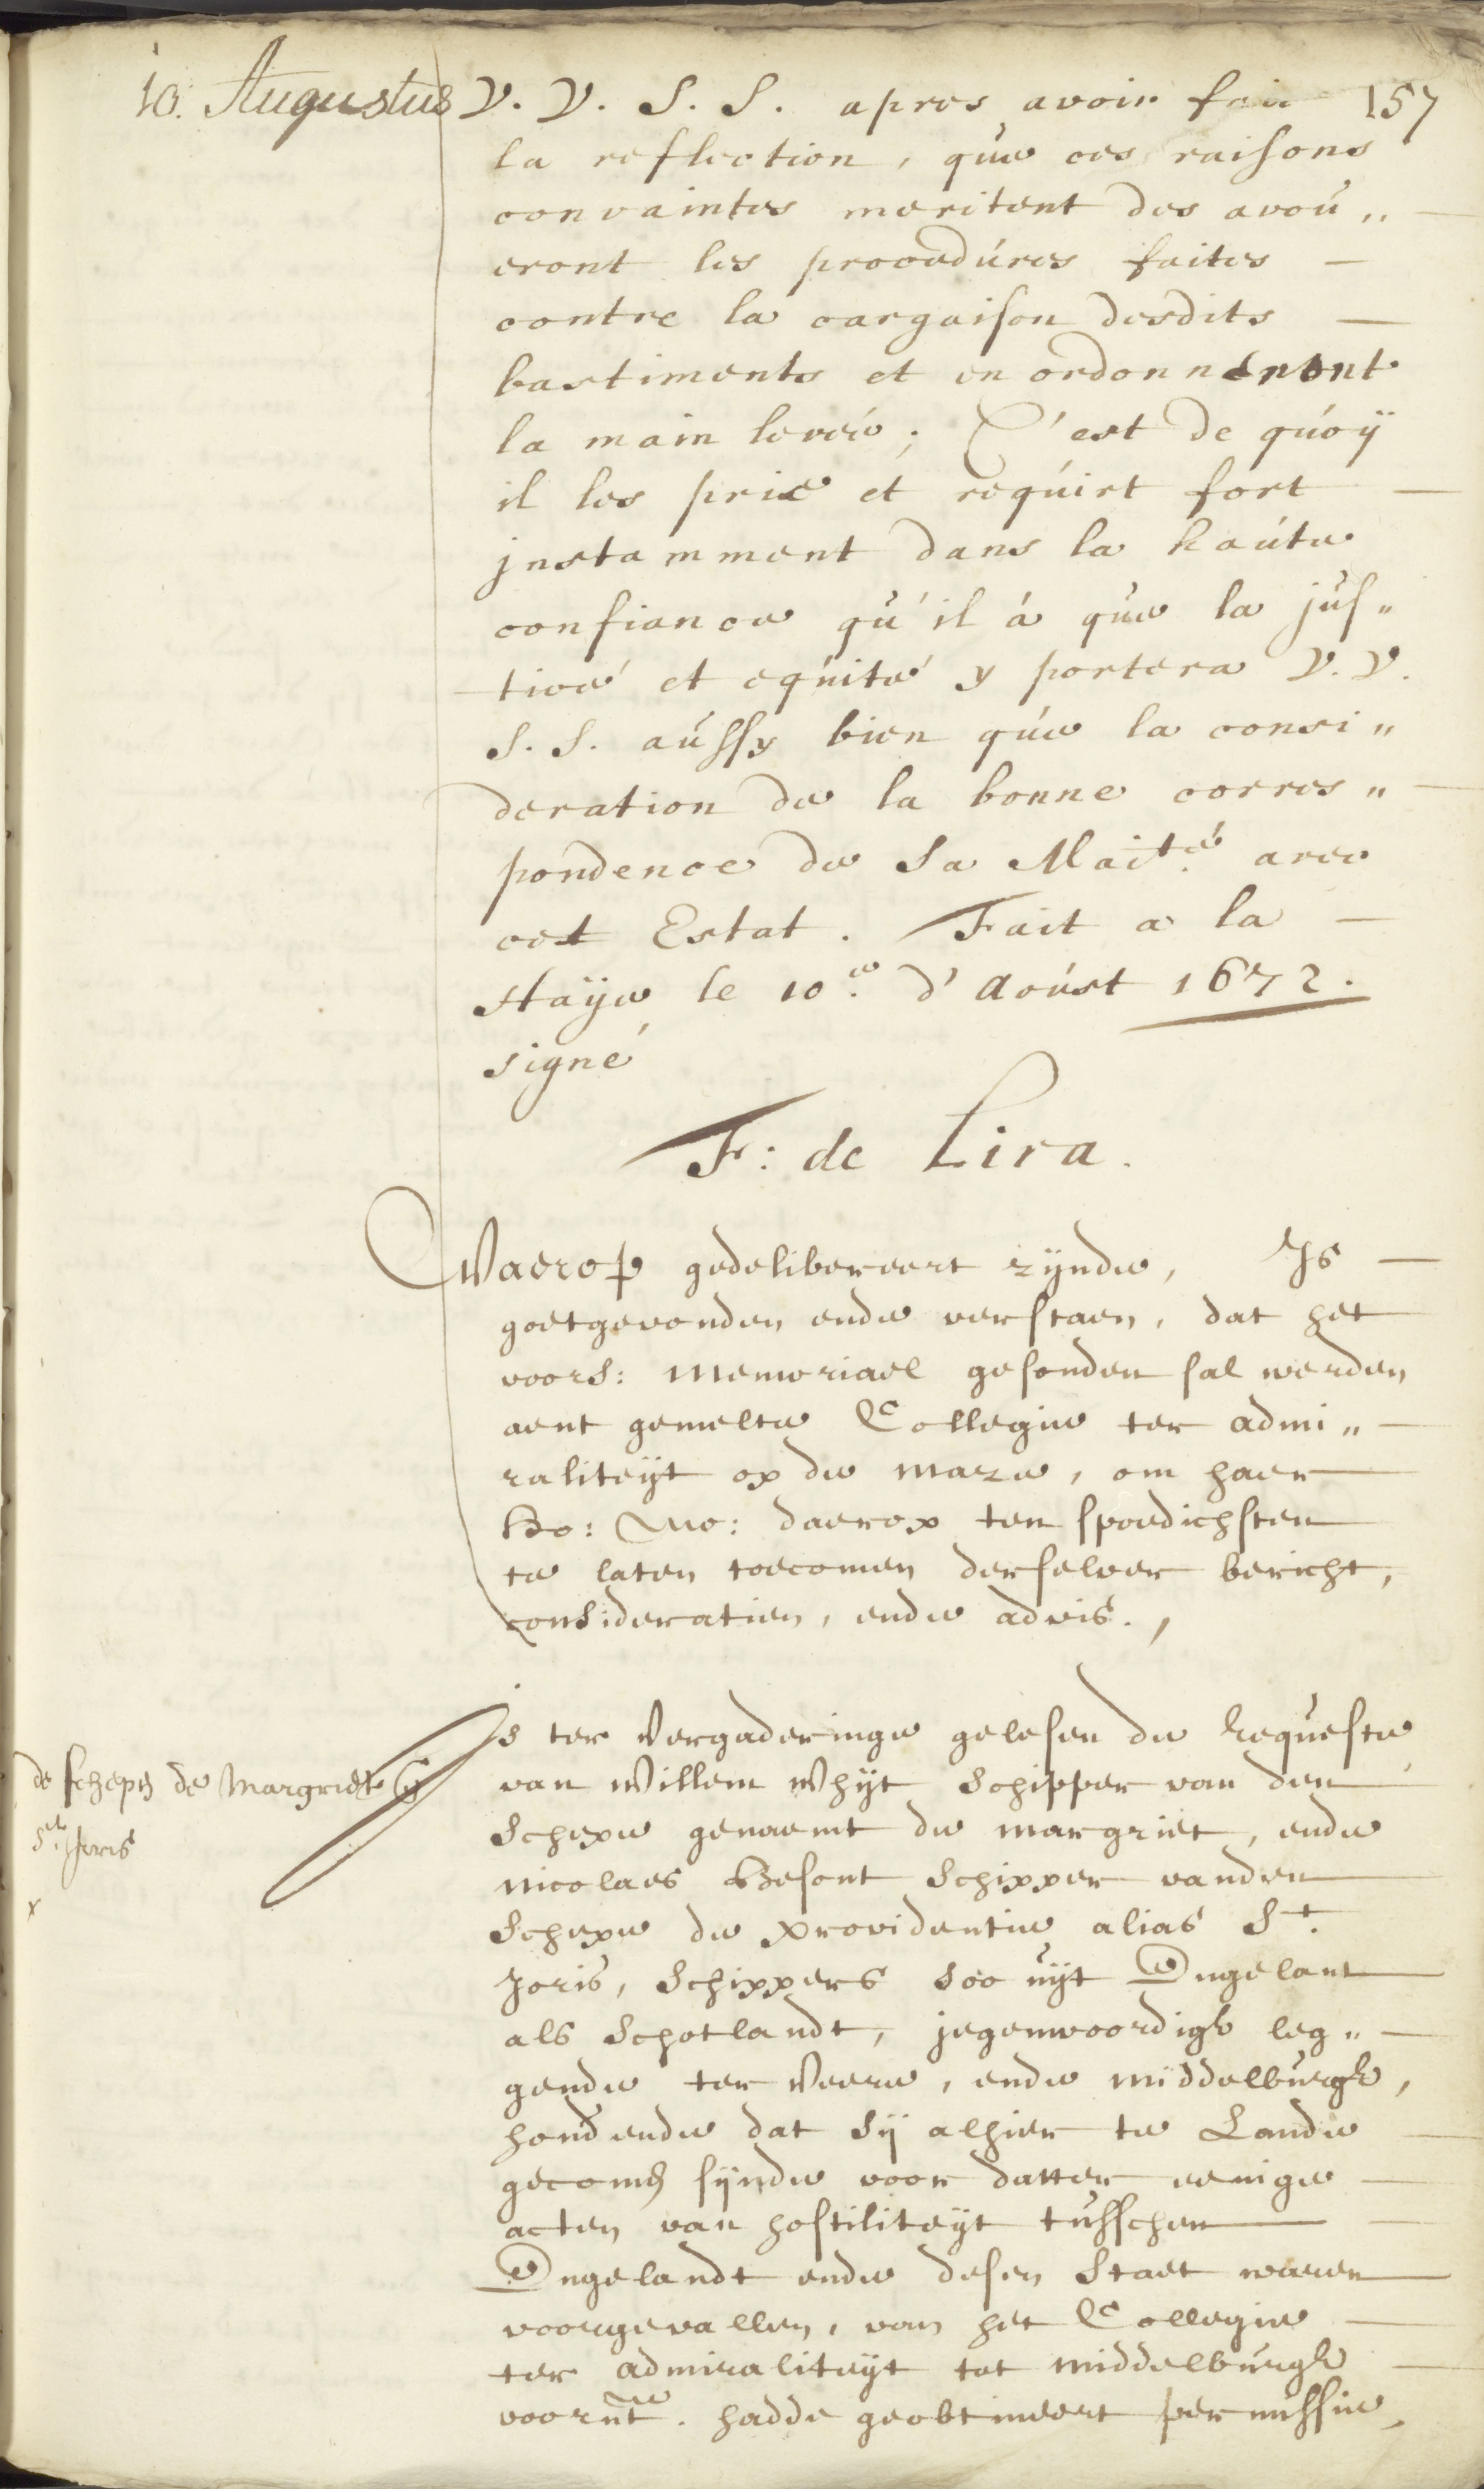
157
10. Augustus
V. V. S. S. apres avoir fait
la reflection, que ces raisons
convaintes meritent des avou„
eront les procedures faites
contre la cargaison desdits
bastiments et en ordonneront
la main levée; C‛est de quoij
il les prie et requirt fort
instamment dans la haute
confiance qu'il á que la jus„
tice et equite y portera V.V.
S. S. aussy bien que la consi„
deration de la bonne corres„
pondence de sa Maité avec
cet Estat. Fait a la
Haije le 10e. d'Aoust 1672.
signé
F: de Lira.
Waerop gedelibereert zijnde, Is
goetgevonden ende verstaen, dat het
voors: Memoriael gesonden sal werden
aent gemelte Collegie ter admi„
raliteijt op de Maze, om haer
Ho:Mo: daerop ten spoedichsten
te laten toecomen derselver bericht,
consideratien, ende advis.
de schepen de Margriet &
St. Joris
Is ter Vergaderinge gelesen de requeste
van Willem Whijt Schipper van den
Schepe genaemt de margriet, ende
Nicolaes Besont Schipper vanden
Schepe de providentie alias St.
Joris, Schippers soo uijt Engelant
als Schotlandt, jegenwoordigh leg„
gende ter Veere, ende middelburgh,
houdende dat sij alhier te Lande
gecomen sijnde voor datter eenige
acten van hostiliteijt tusschen
Engelandt ende desen Staet waren
voorgevallen, van het Collegie
ter Admiraliteijt tot middelburgh
voornt, hadde geobtineert permissie,
